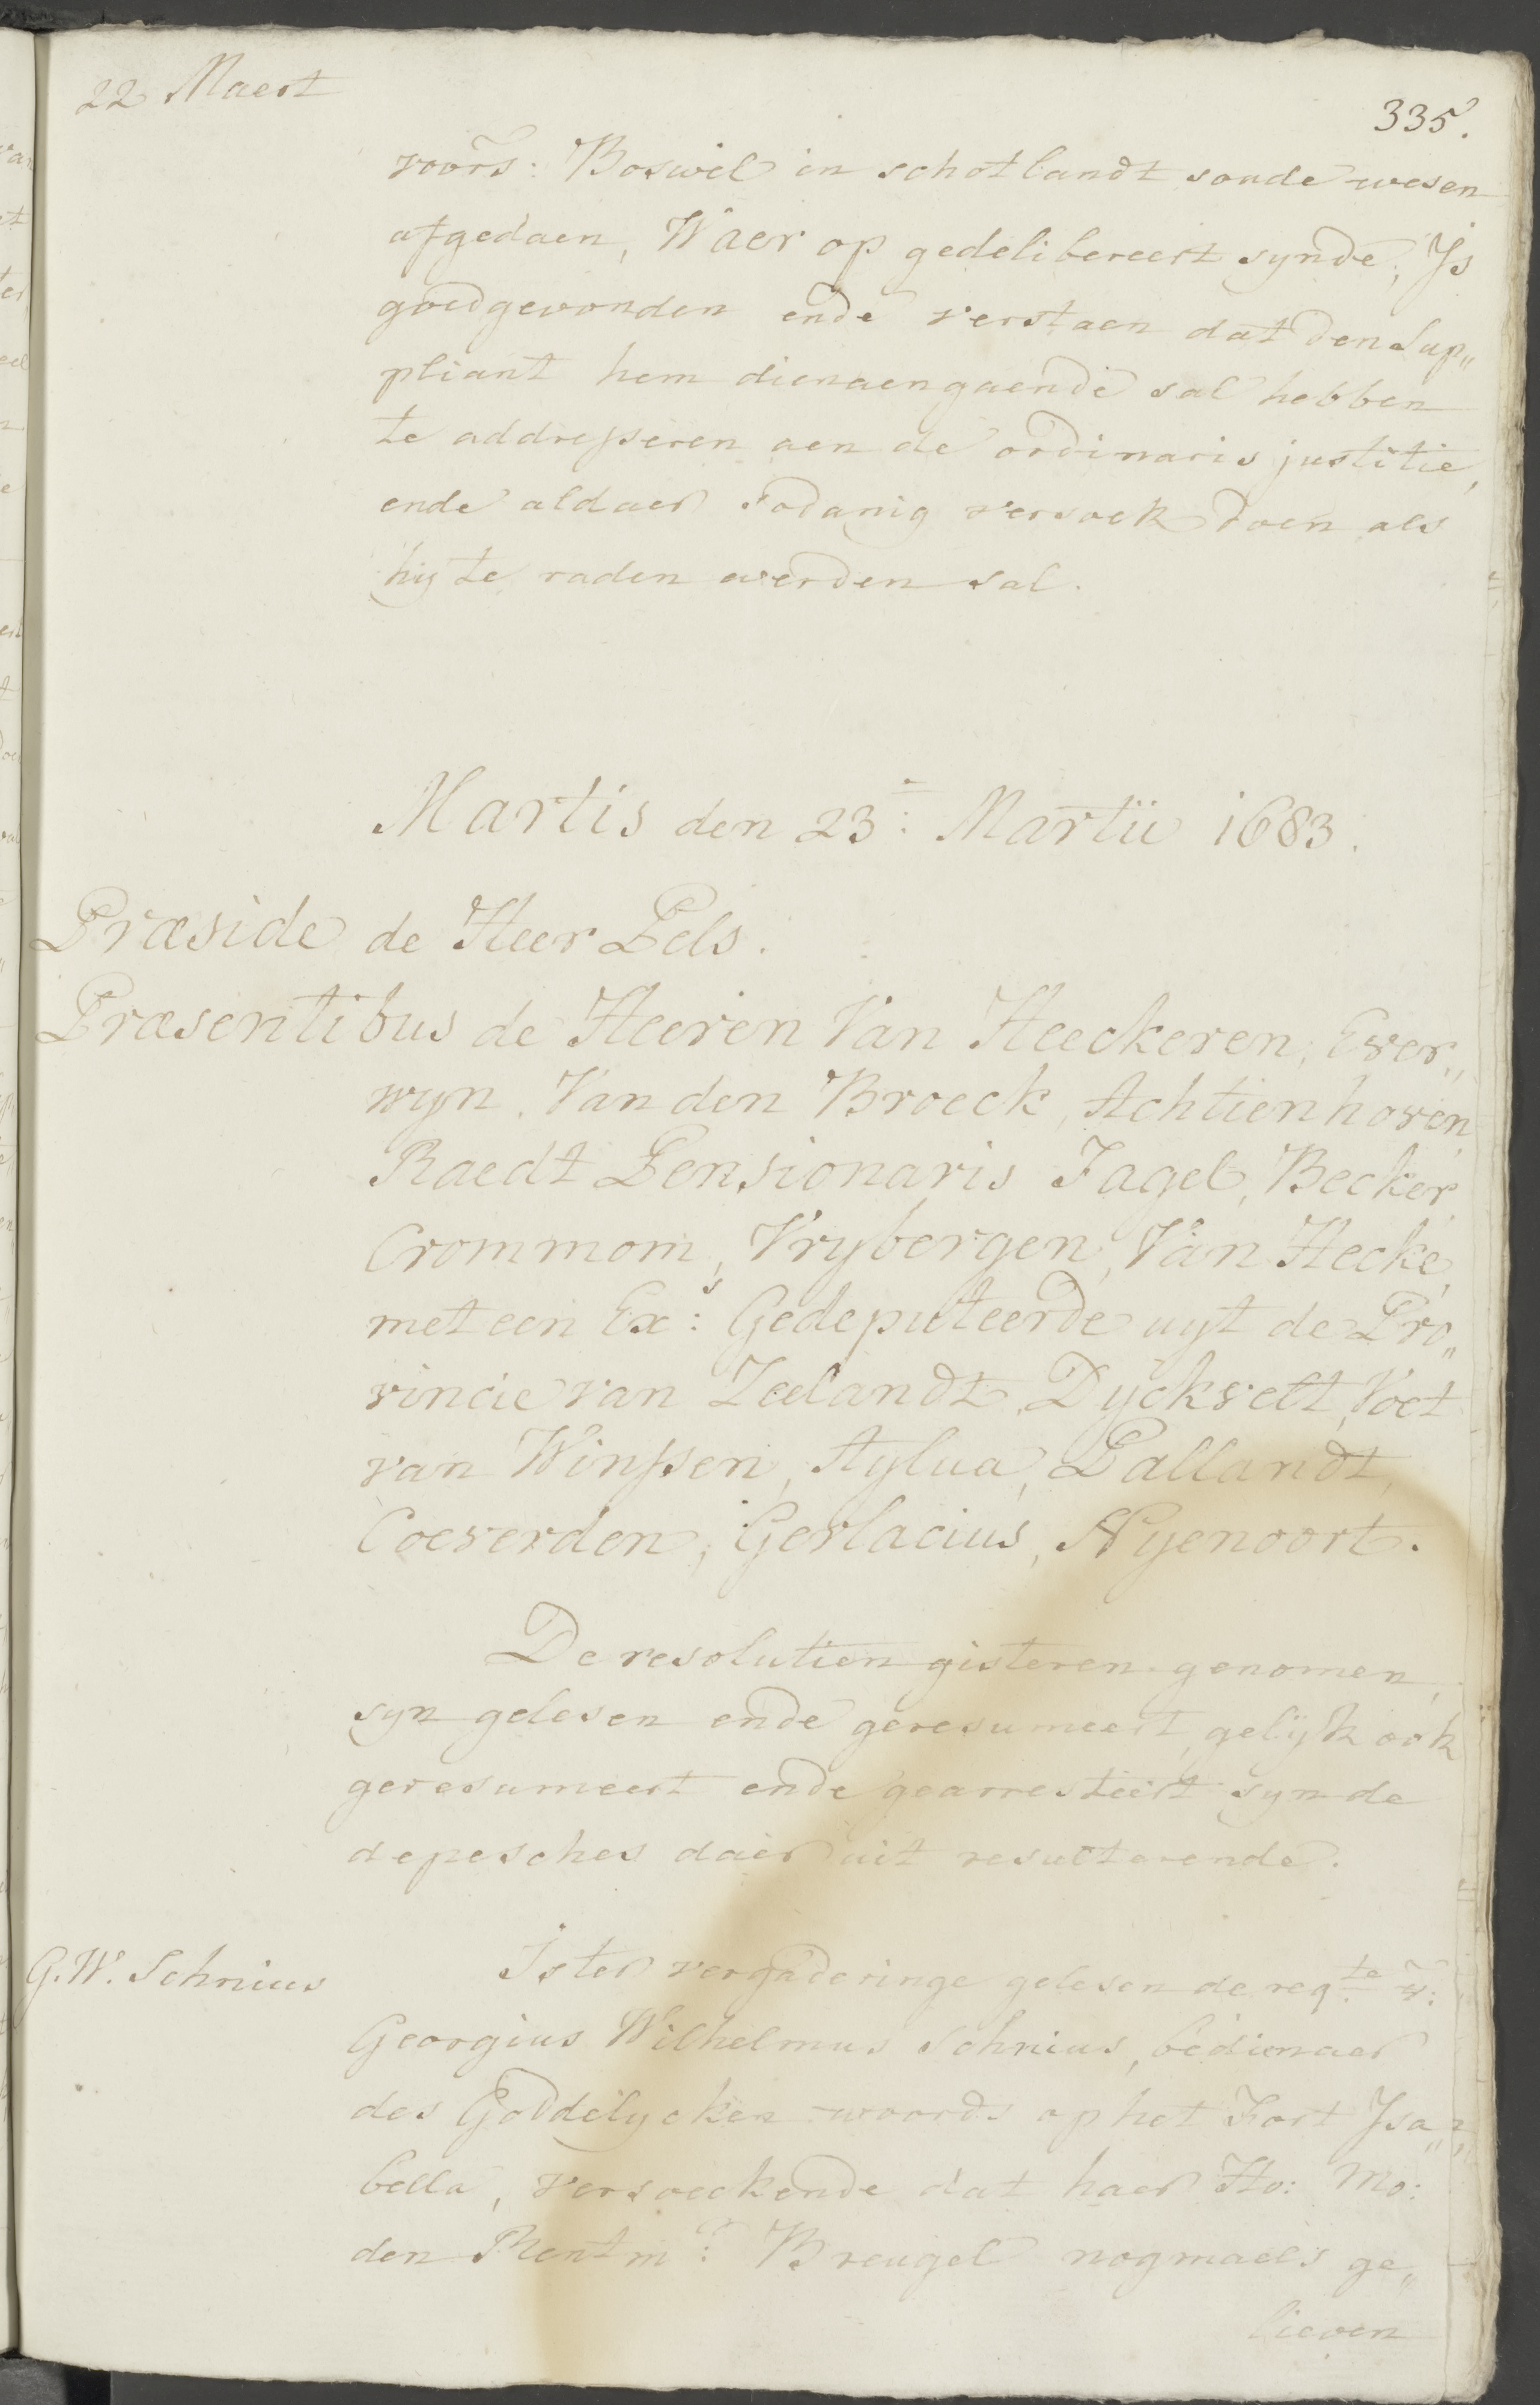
335.
22 Maert
voors: Boswel in schotlandt soude wesen
afgedaen, Waer op gedelibereert sijnde, Is
goedgevonden ende verstaen dat den Sup„
pliant hem dienaengaende sal hebben
te addresseren aen de ordinaris justitie
ende aldaer sodanig versoek doen als
hij te raden werden sal.
Martis den 23e: Martii 1683.
Præside de Heer Pels.
Præsentibus de Heeren van Heeckeren, Ever„
wijn, Van den Broeck, Achtienhoven
Raedt Pensionaris Fagel, Becker
Crommom, Vrijbergen, Van Hecke,
met een Exs: Gedeputeerde uijt de Pro„
vincie van Zeelandt, Dyckvelt, Voet
van Winssen, Aylua, Pallandt,
Coeverden, Gerlacius, Nyenoort.
De resolutien gisteren genomen,
zijn gelesen ende geresumeert gelijk ook
geresumeert ende gearresteert syn de
depesches daer uit resulterende.
G.W. Schnius
Is ter vergaderinge gelesen de reqte. #:
Georgius Wilhelmus Schnius, bedienaer
des Goddelycken woords op het Fort Isa„
bella, versoeckende dat haer Ho: Mo:
den Rentmr: Breugel nogmaels ge„
lieven
